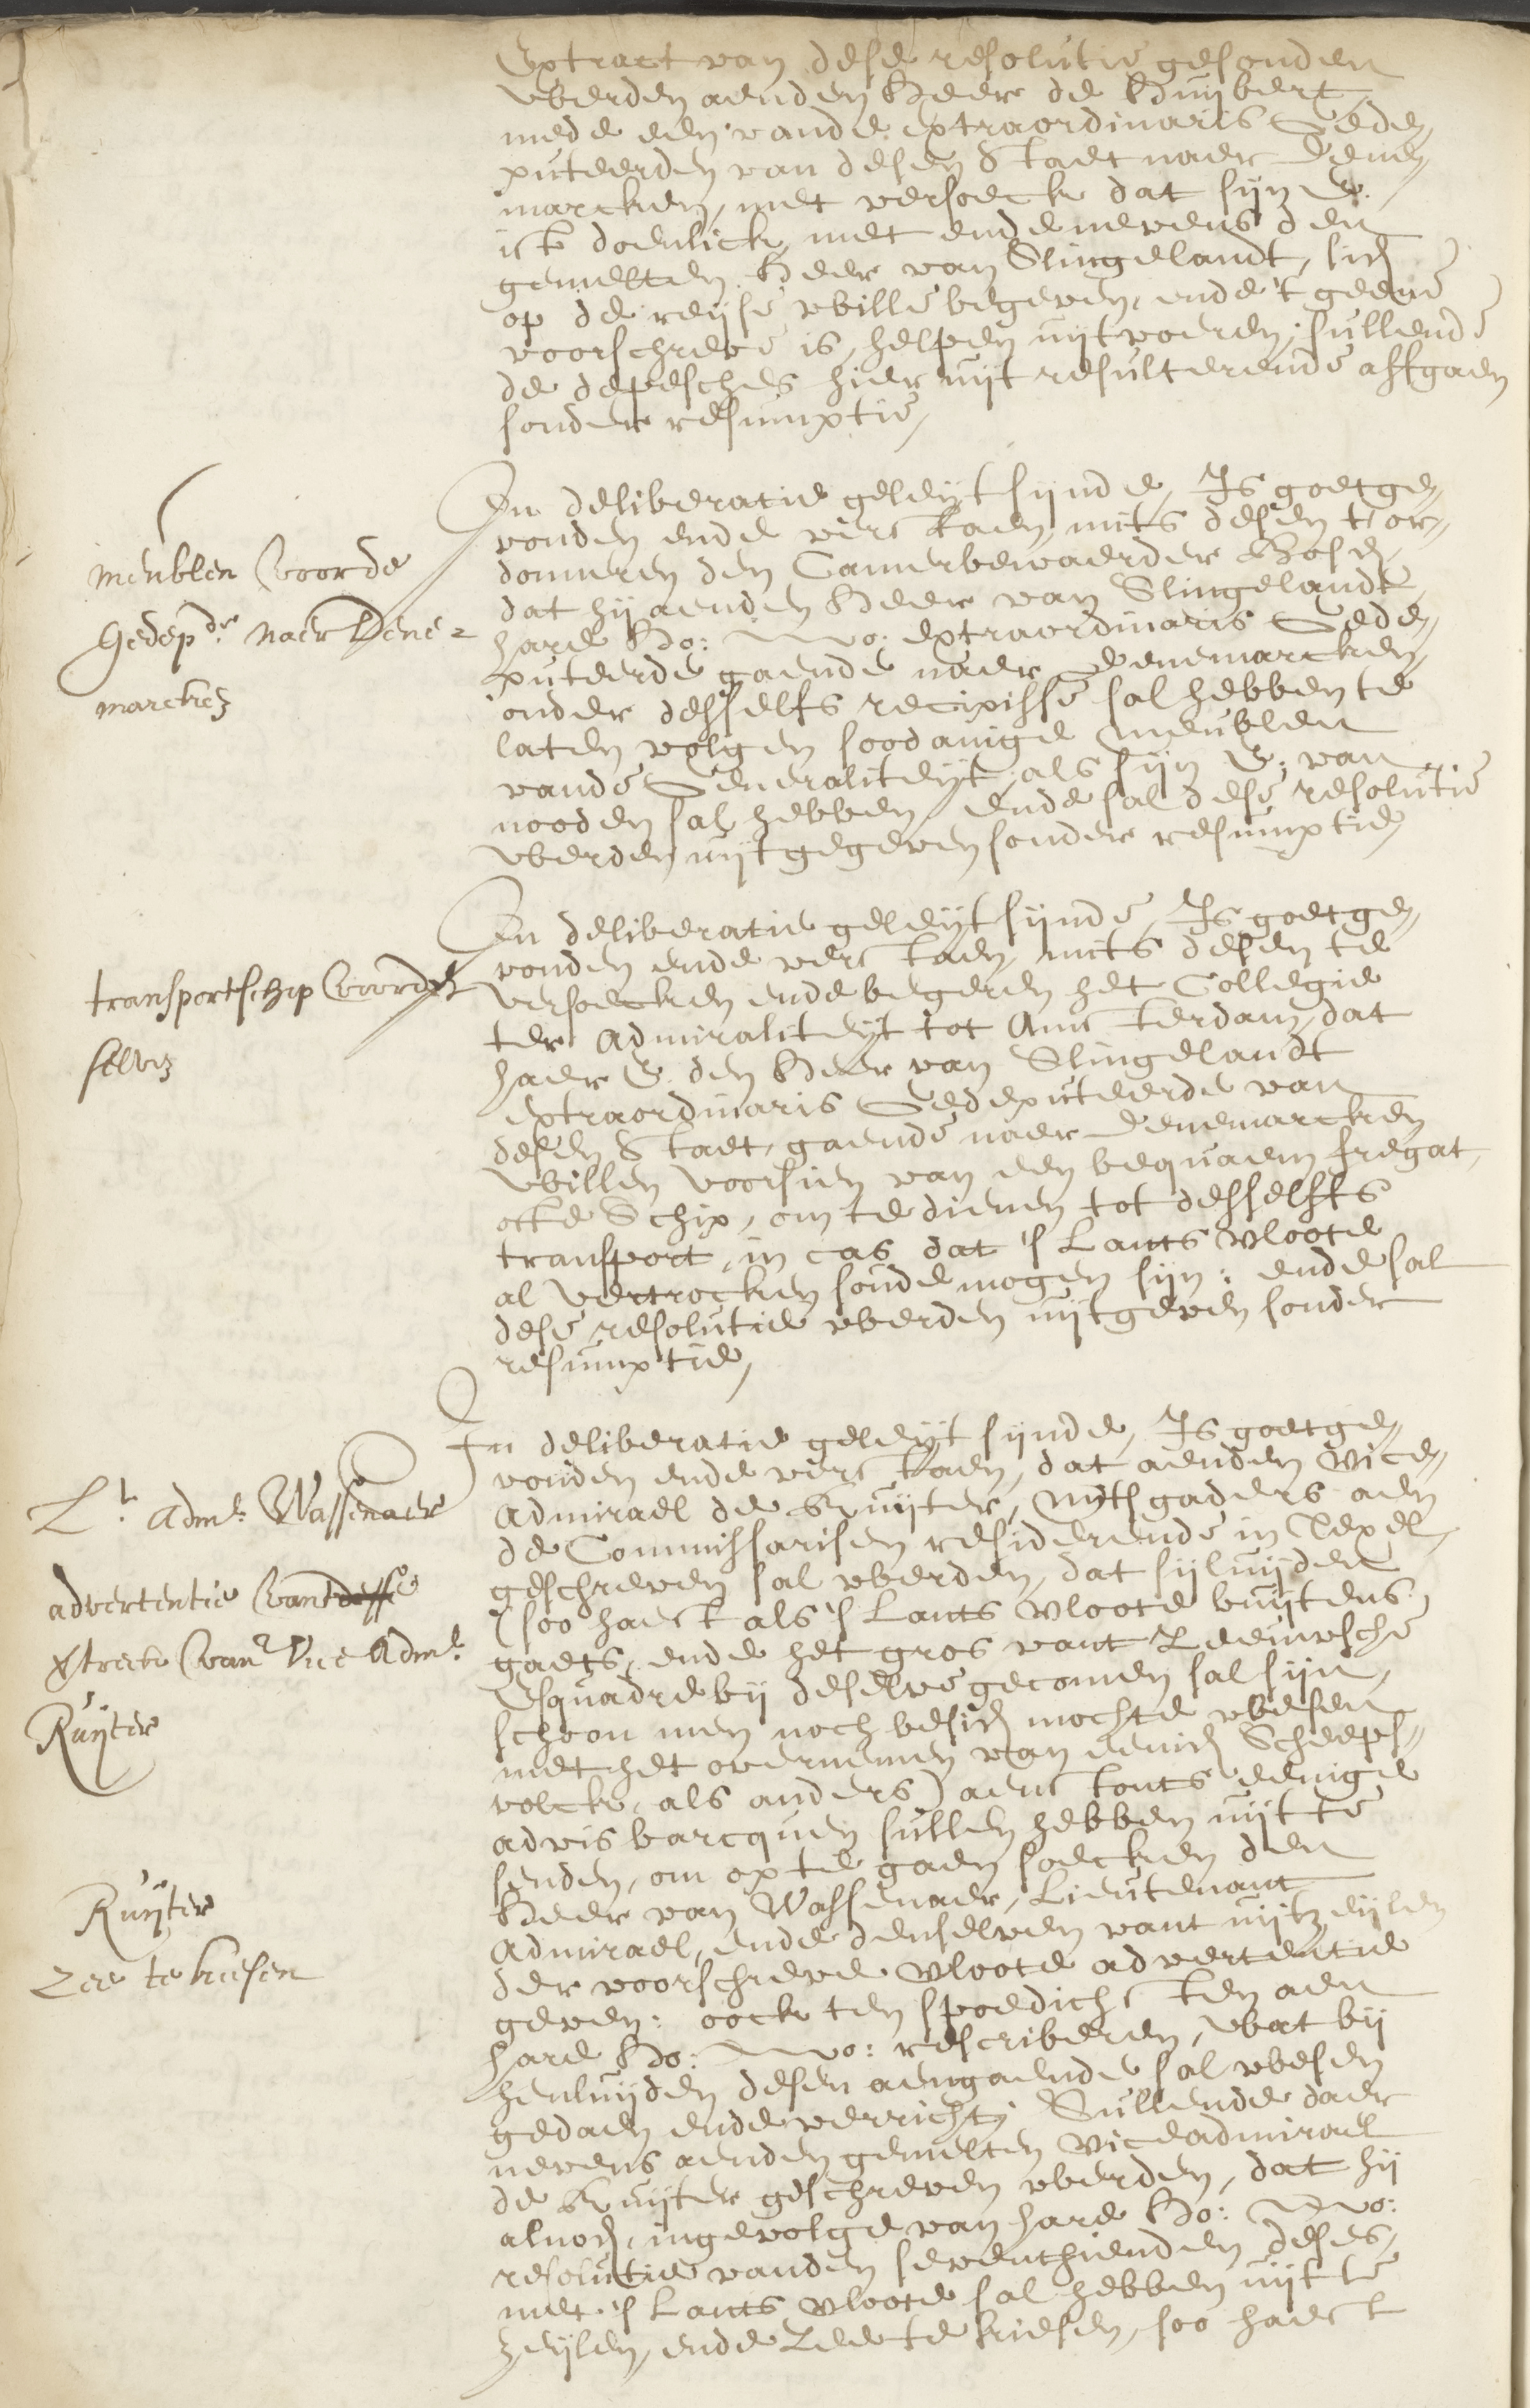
Extract van dese resolutie gesonden
werden aenden Heer de Huijbert
mede een vande Extraordinaris Gede„
puteerden van desen Staet naer Dene„
marcken, met versoeck dat sijn E.
ist doenlick, met ende nevens den
gemelten Heer van Slingelandt, sich
op de reijse wille begeven, ende 't geene
voorschreve is, helpen uijtvoeren, sullende
de depesches hier uijt resulterende affgaen
sonder resumptie.
meublen voorde
Gedepden. naer Dene„
marcken
In deliberatie geleijt sijnde, Is goetge„
vonden ende verstaen, mits desen t‛or„
donneren den Camerbewaerder Bosch,
dat hij aenden Heer van Slingelandt,
hare Ho:Mo: extraordinaris Gede„
puteerde gaende naer Denemarcken,
onder desselfs recipisse sal hebben te
laten volgen soodanige meublen
vande Generaliteijt als sijn E: van
nooden sal hebben, ende sal dese resolutie
werden uijtgegeven sonder resumptie.
transportschip voorden
selven
In deliberatie geleijt sijnde, Is goetge„
vonden ende verstaen, mits desen te
versoecken ende begeren het Collegie
ter Admiraliteijt tot Amsterdam, dat
haer E. den Heer van Slingelandt
Extraordinaris Gedeputeerde van
desen Staet, gaende naer Denemarcken
willen voorsien van een bequaem fregat,
ofte Schip, om te dienen tot desselffs
transport, in cas dat ‛s Lants Vloote
al vertrocken soude mogen sijn: ende sal
dese resolutie werden uijtgeven sonder
resumptie.
Lt. Admt. Wassenaer
advertentie vant desse
vtreck van Vice Admt.
Ruijter
Ruijter
Zee te kiesen
In deliberatie geleijt sijnde, Is goetge„
vonden ende verstaen, dat aenden Vice„
Admirael de Ruijter, mitsgaders aen
de Commissarisen residerende in Texel
geschreven sal werden, dat sijluijden
(soo haest als 's Lants Vloote buijtens,
gaets, ende het gros vant Zeeuwsche
Esquadre bij deselve gecomen sal sijn,
schoon men noch besich mochte wesen
met het overnemen van eenich Scheeps„
volck, als anders) aenstonts eenige
advis barcquen sullen hebben uijt te
senden, om op te gaen soecken den
Heer van Wassenaer, Lieutenant
Admirael, ende denselven vant uijtzeijlen
der voorschreve vloote advertentie
geven: oock ten spoedichsten aen
hare Ho:Mo: rescriberen, wat bij
henluijden desen aengaende sal wesen
gedaen ende verricht; Sullende daer
nevens aenden gemelten Viceadmirael
de Ruijter geschreven werden, dat hij
alnoch, ingevolge van hare Ho:Mo:
resolutie vanden seventhienden deses,
met 's Lants vloote sal hebben uijt te
zeijlen, ende Zee te kiesen, soo haest
